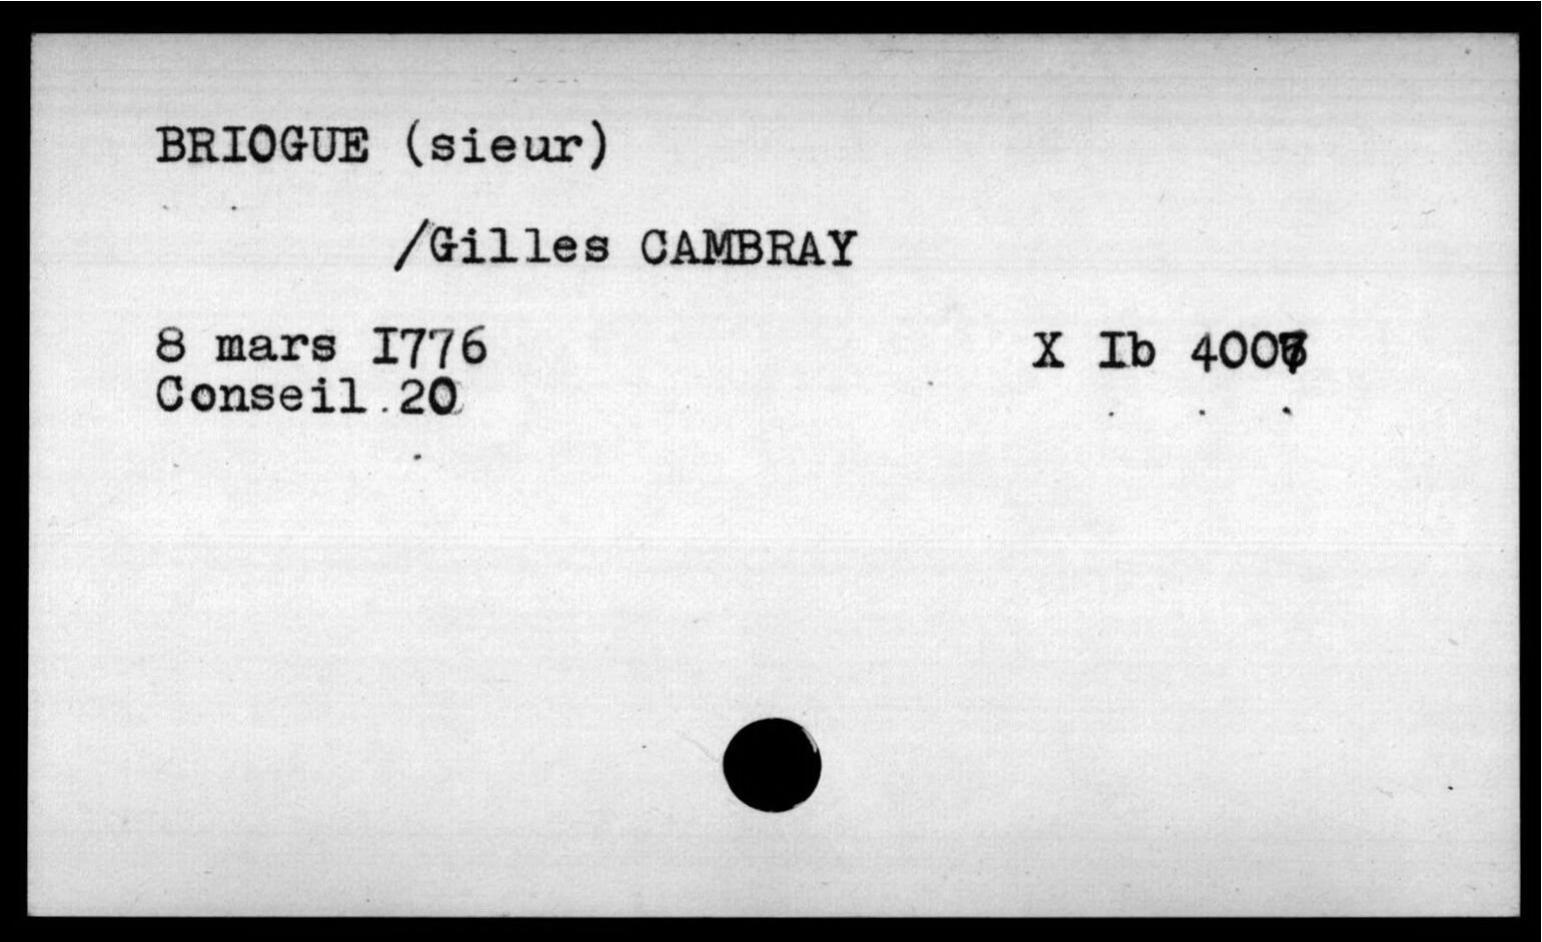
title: BRIOGUE (Sieur)
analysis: Contre Gilles CAMBRAY
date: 8 mars 1776
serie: X1b
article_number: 4007
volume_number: Conseil, 20
